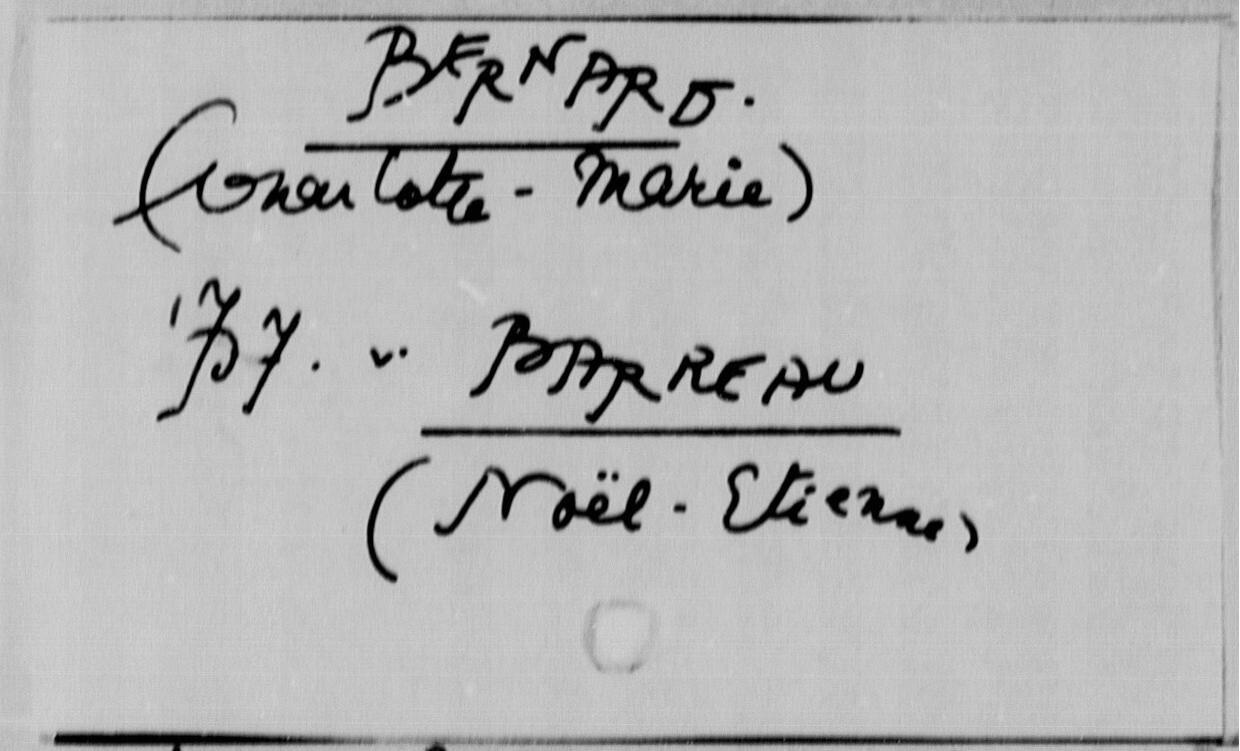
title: BERNARD (Charlotte Marie)
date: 1707
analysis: Voir : BARREAU (Noël-Étienne)
